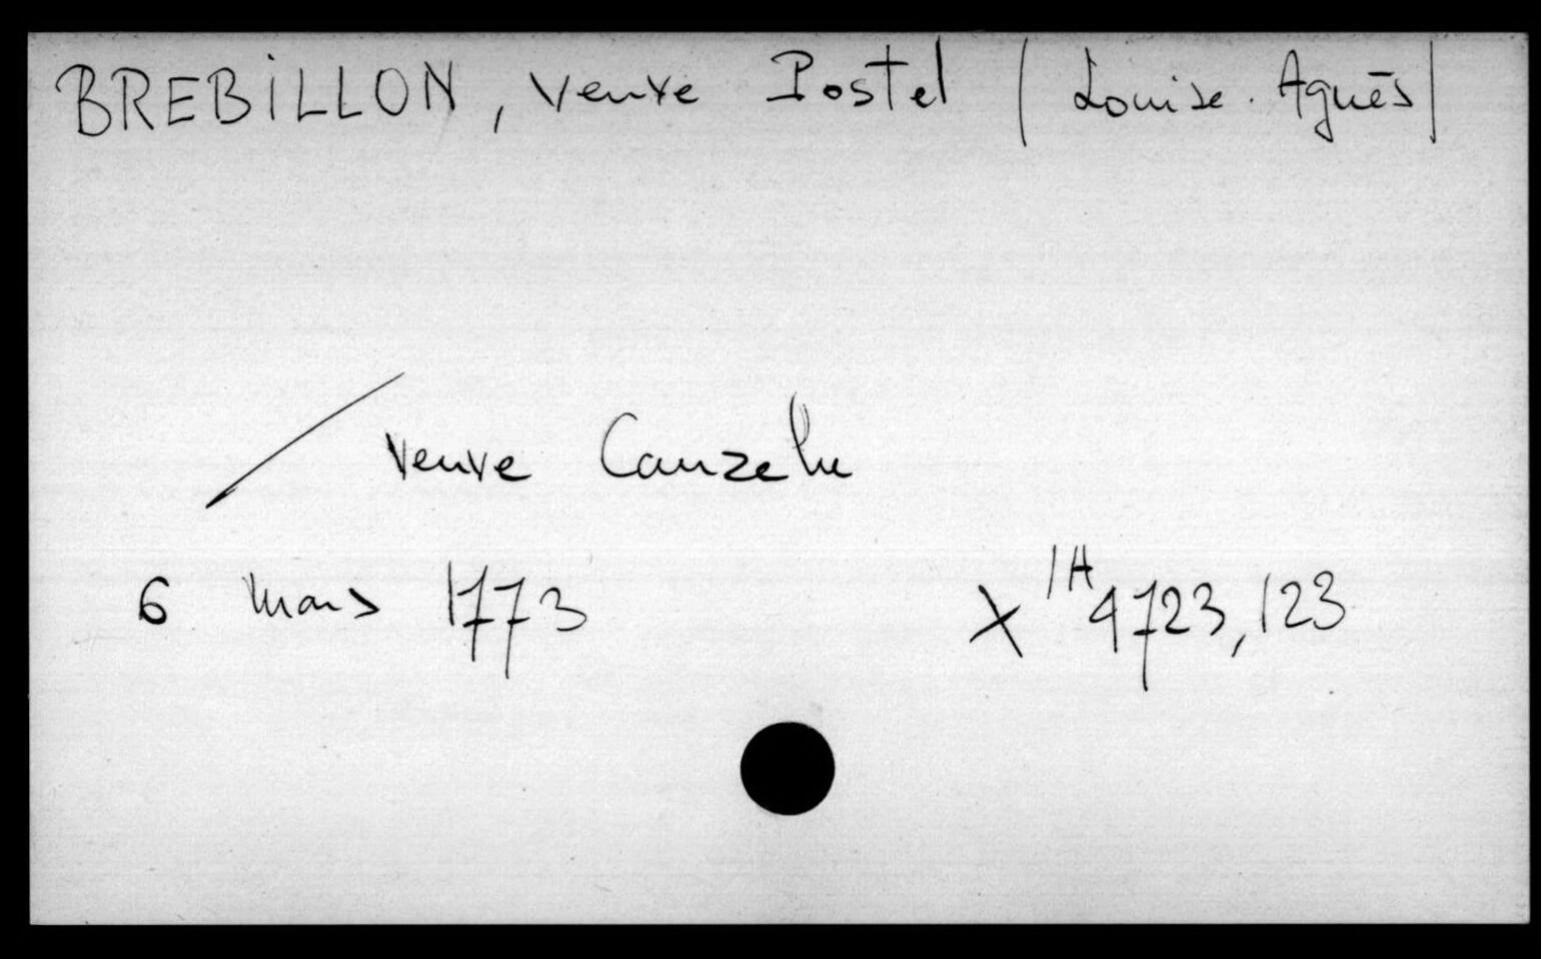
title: BREBILLON, veuve Postel (Louise-Agnés)
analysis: Contre Veuve Cauzelu
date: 6 mars 1773
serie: X1A
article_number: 4723
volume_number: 123
